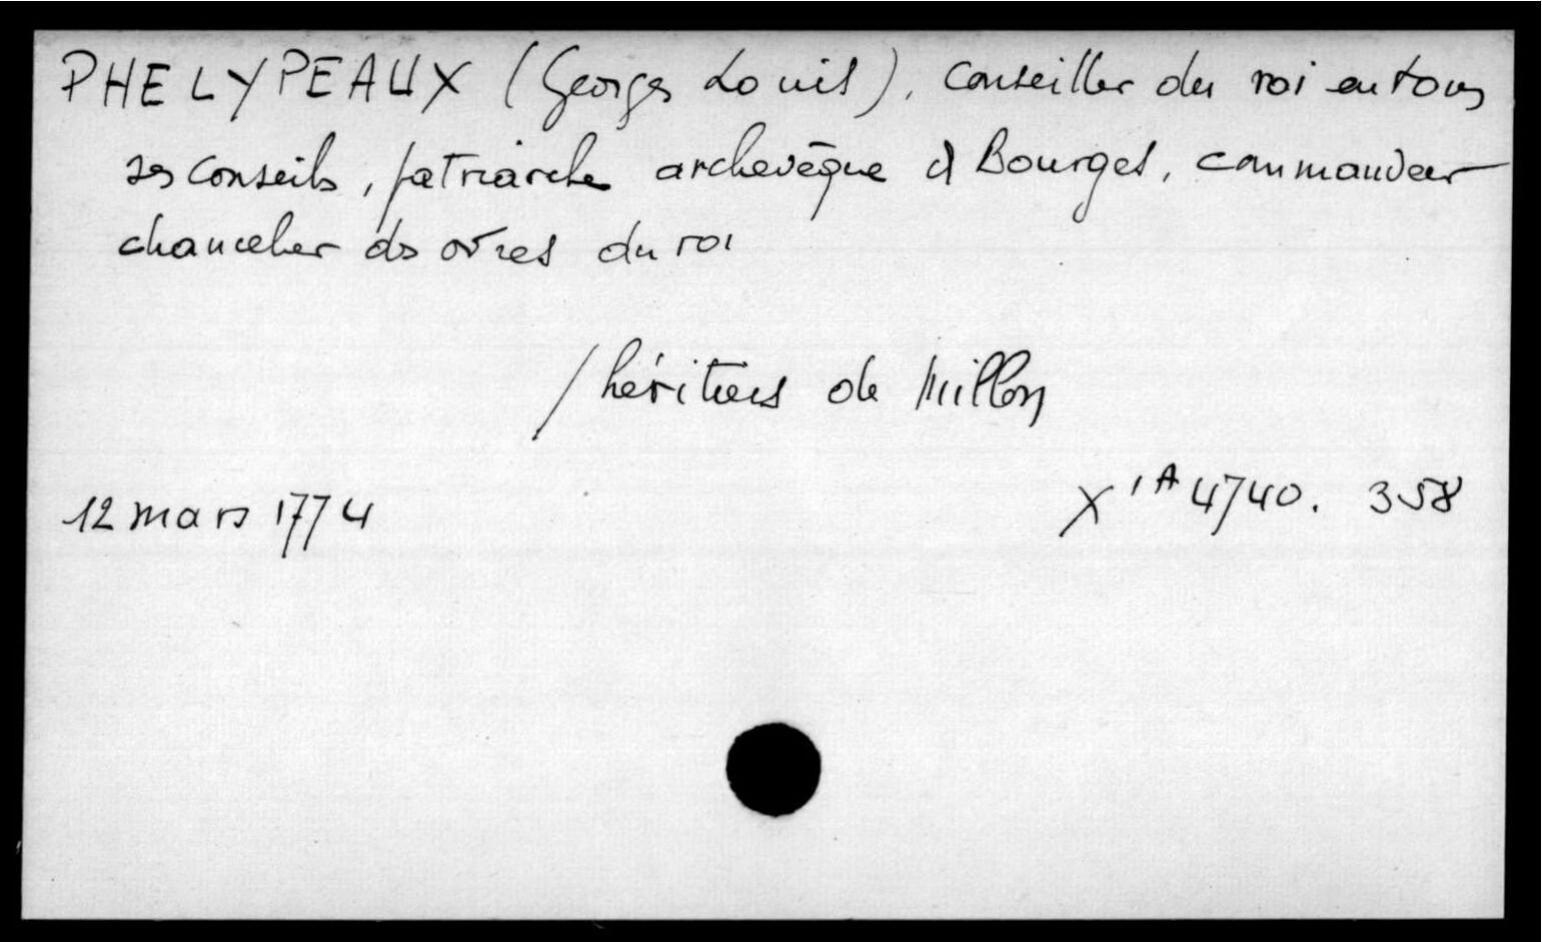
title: PHELYPEAUX (Georges Louis), conseiller du roi en tous ses Conseils, patriarche archevêque de Bourges, commandeur chancelier des ordres du roi
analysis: Contre héritiers de Millon
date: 12 mars 1774
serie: X1A
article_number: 4740
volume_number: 358
